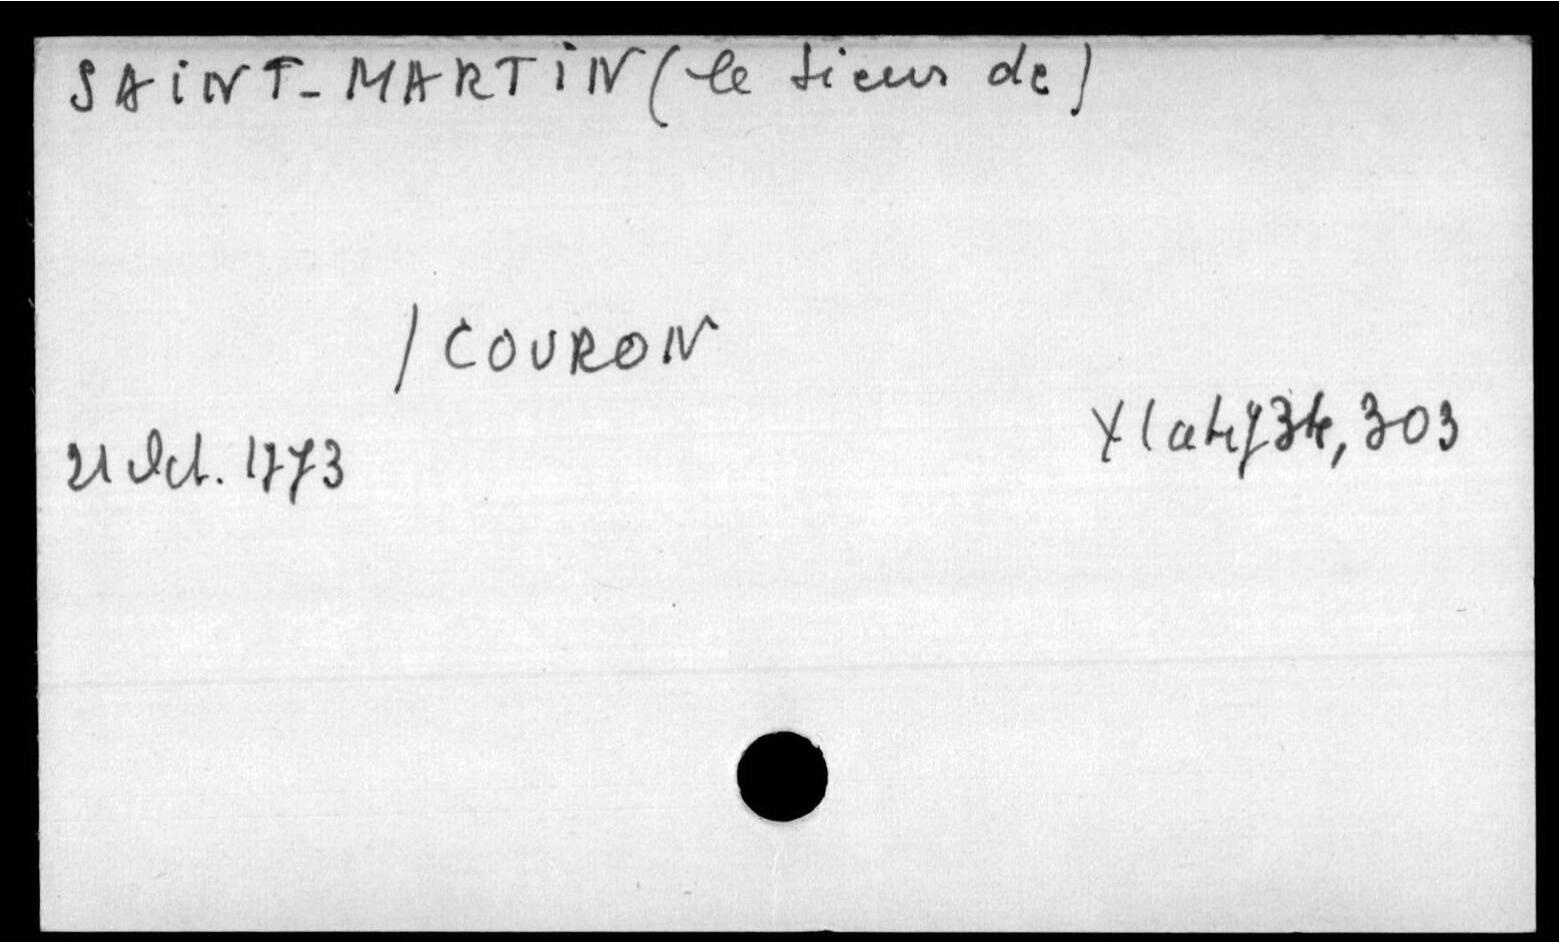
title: SAINT-MARTIN (le sieur de)
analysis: Contre COURON
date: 21 octobre 1773
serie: X1a
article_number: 4734
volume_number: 303
